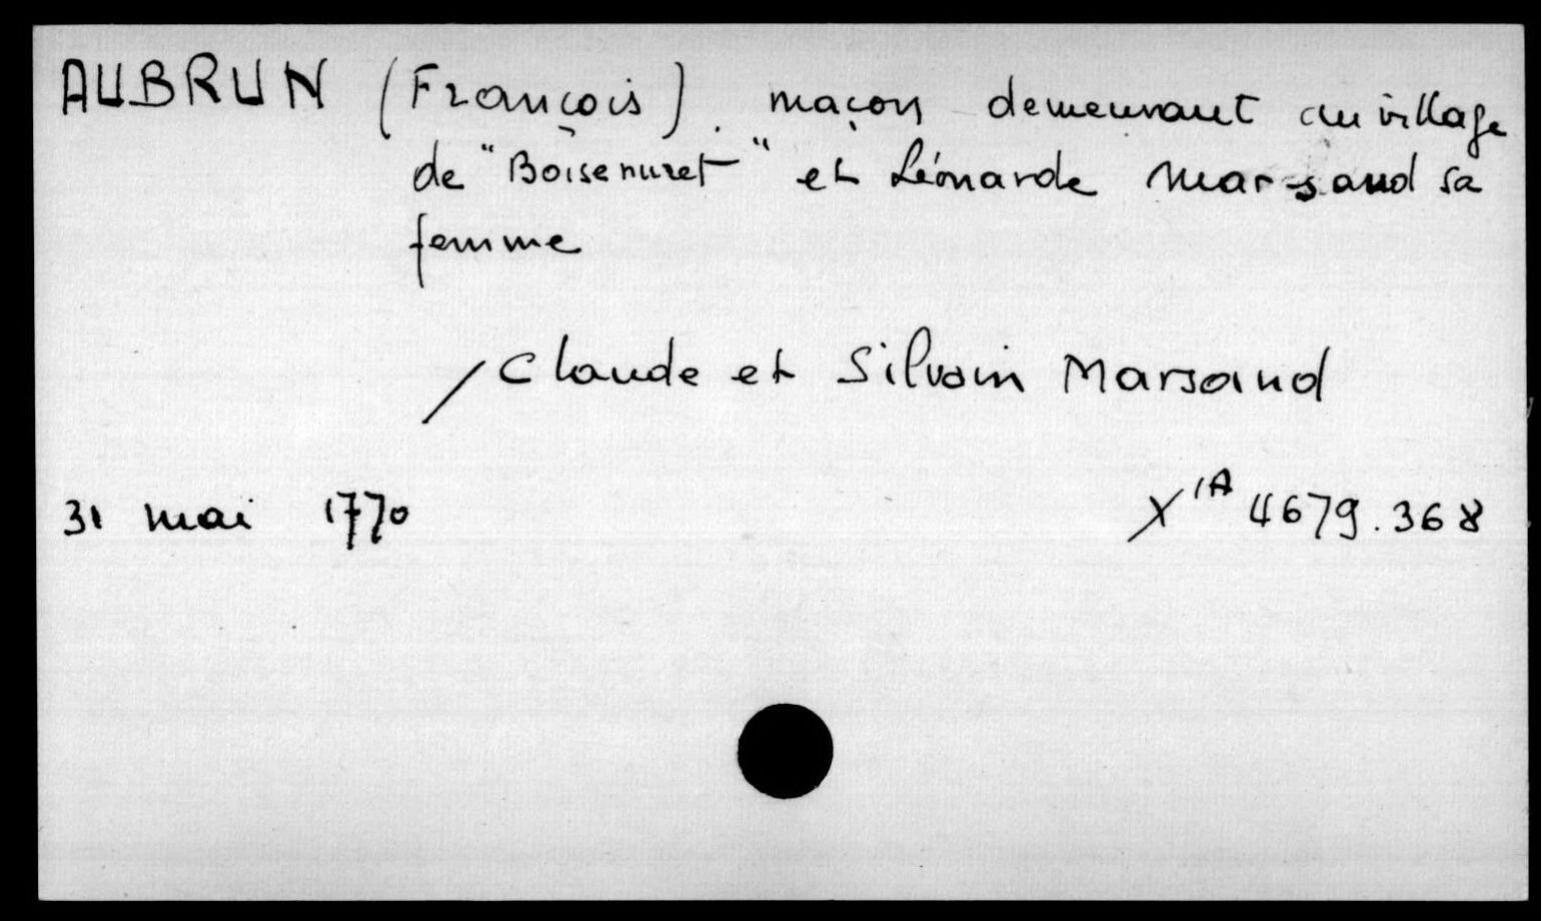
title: AUBRUN (François), maçon demeurant au village de "Boisemuret" et Léonarde Marsaud sa femme
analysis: Contre Claude et Silvain Marsaud
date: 31 mai 1770
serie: X1A
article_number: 4679
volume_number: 368
